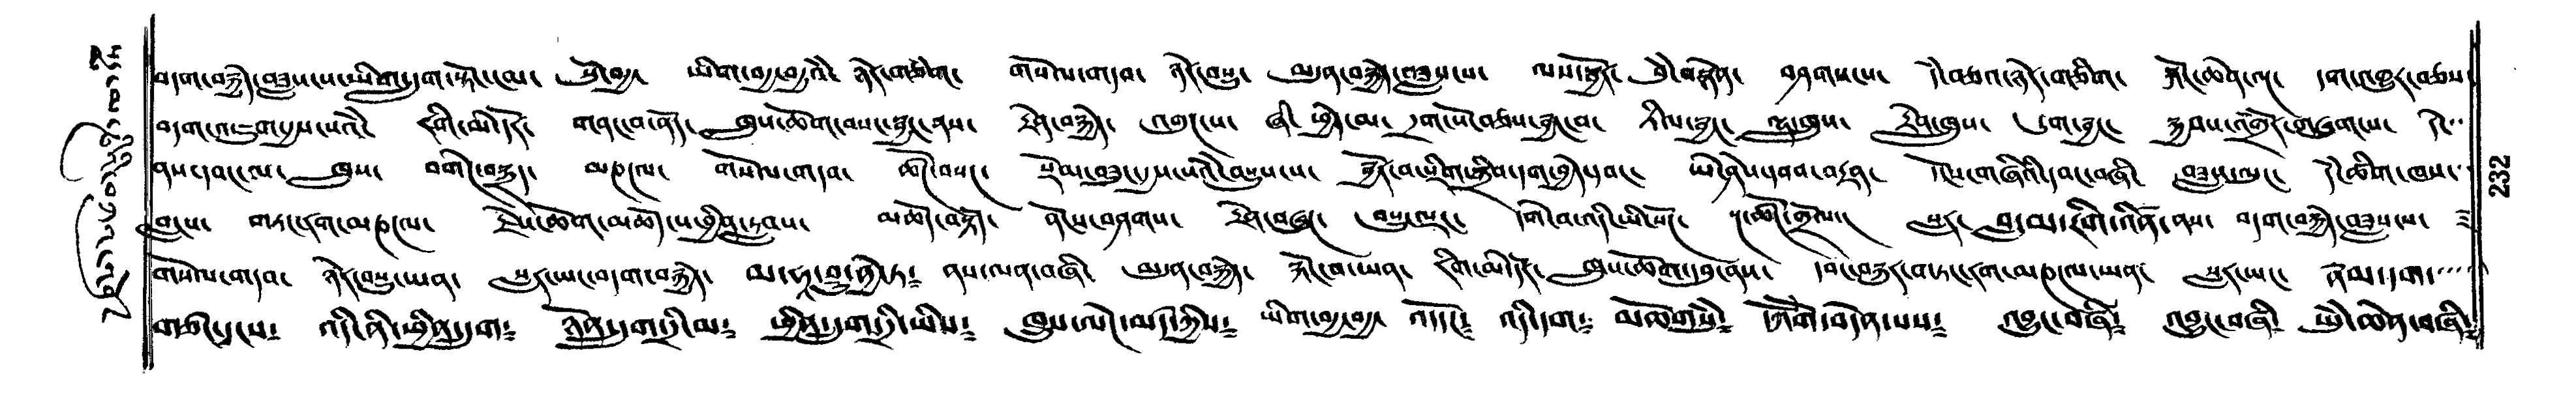བདག་སྐྱེད་བཟླས་པ་ཡིག་དྲུག་སྟོང་ངམ། སུམ་བརྒྱ། ཡིག་བརྒྱ་བརྒྱའམ། ཉེར་གཅིག གསོལ་གདབ། ཉེར་བསྡུ། མདུན་སྐྱེད་བཟླས་པ། ལས་སྦྱོར། བུམ་སྙེན། བཤགས་པ་དམ་བཅའ་ཉེར་གཅིག སྐོང་ཆེན་ལྔ། དག་འགྱུར་བཅས། 
བདག་འཇུག་རྒྱས་པའམ། རིག་མེ་དོར། གནང་བ་ནོད། ཁྲུས་ཆོག་བསང་སྦྱང་ནས། རྟེན་སྐྱེད། འགུགས་པ། ཞིབ། ཕྱེད་མ། དྲག་པོ་བཅས་སྦྱང་བ། ཏིལ་སྦྱོང་།ལྷ་ཁྲུས། རྟེན་ཁྲུས། དུག་སྦྱོང་། སྐྱབས་འགྲོར་གཞུག་པ་བཅས། དེ་
ནས་དབང་ལ། ཁྲུས། བགེགས་བསྐྲད། མཎྜལ། གསོལ་གདབ། ཚོགས་བསགས། སྡོམ་བཟུང་རྒྱས་པའམ་བསྡུས་པ། སྦྱོར་བ་སྡིག་སྒྲིབ་དག་བྱེད་དབང་། ཡེ་ཤེས་དབབ་རྟེན། དངོས་བཞིའི་དབང་བཞི། བཟླས་ལུང་། དམ་ཚིག་ཁས་
བླང་། གཏང་རག་མཎྜལ། རྗེས་མཆོག་མཆོད་པ་བྱིན་རླབས། མཆོད་བསྟོད། ནོངས་བཤགས། རྟེན་བཞུགས། བསྡུ་ལྡང་། དགེ་བ་འདི་ཡིས་སོགས། སྔ་ཚོགས་གྲོལ། སླར། བླ་མ་རིག་འཛིན༴ ནས། བདག་སྐྱེད་བཟླས་པ། 
གསོལ་གདབ། ཉེར་བསྡུ་ཡན། སླར་ཡང་བདག་སྐྱེད། མ་ཧཱ་ཤུ་ནྱེ་ཏ༴ ནས་ལན་བཞི། མདུན་སྐྱེད། སྐོང་བ་ཡན། རིག་མེ་དོར། ཁྲུས་ཆོག་དབུ་ནས། དབང་བསྐུར་གཏང་རག་མཎྜལ་ཡན། སླར་ཡང་། རྣམ་དག་
གཙང་དྭངས༴ འདི་ནི་ཕྱིན་དྲུག༴ ཉོན་དྲུག་དྲི་མ༴ ཕྱིན་དྲུག་དྲི་ཡིས༴ ཁྲུས་ལེགས་མཛད་ཀྱིས༴ ཡིག་བརྒྱ་བརྒྱ། འདོད་ཆགས༴ འདི་དག༴ མཆོག་གསུམ༴ དཀོན་མཆོག་བདེན་པས༴ འབྱུང་བཞི༴ འབྱུང་བཞི༴ ཡུམ་ཆེན་བཞི༴